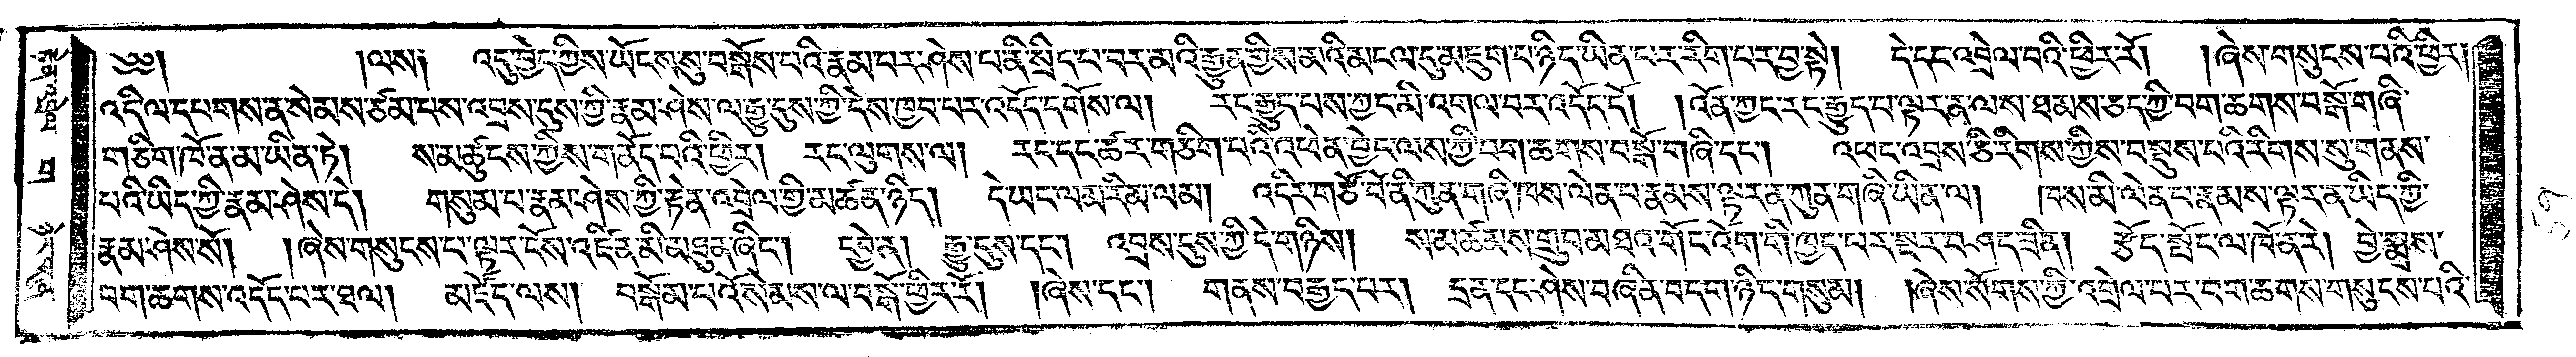༄༅། །ལས༑ འདུ་བྱེད་ཀྱིས་ཡོངས་སུ་བསྒོས་པའི་རྣམ་པར་ཤེས་པ་ནི་སྲིད་པ་བར་མའི་རྒྱུན་གྱིས་མའི་མངལ་དུ་མཇུག་པ་ཉིད་ཡིན་པར་རིག་པར་བྱ་སྟེ། དེ་དང་འབྲེལ་བའི་ཕྱིར་རོ། །ཞེས་གསུངས་པའི་ཕྱིར་
འདི་ལ་དང་གསན་སེམས་ཙམ་པས་འབྲས་དུས་ཀྱི་རྣམ་ཤེས་ལ་རྒྱུ་དུས་ཀྱི་དེས་ཁྱབ་པར་འདོད་དགོས་ལ། རང་རྒྱུད་པས་ཀྱང་མི་འགལ་བར་འདོད་དོ། །འོན་ཀྱང་རང་རྒྱུད་པ་ལྟར་ན་ལས་ཐམས་ཅད་ཀྱི་བག་ཆགས་བསྒོ་གཞི་
གཅིག་ཁོ་ན་མ་ཡིན་ཏེ། ས་མཚུངས་ཀྱིས་གནོད་བའི་ཕྱིར། རང་ལུགས་ལ། རང་དང་ཚར་གཅིག་པའི་འཕེན་བྱེད་ལས་ཀྱི་བག་ཆགས་བསྒོ་གཞི་དང་། འཕང་འབྲས་ཅི་རིགས་ཀྱིས་བསྡུས་པའི་རིགས་སུ་གནས་
པའི་ཡིད་ཀྱི་རྣམ་ཤེས་དེ། གསུམ་པ་རྣམ་ཤེས་ཀྱི་རྟེན་འབྲེལ་གྱི་མཚན་ཉིད། དེ་ཡང་ལམ་རིམ་ལམ། འདིར་གཙོ་བོ་ནི་ཀུན་གཞི་ཁས་ལེན་པ་རྣམས་ལྟར་ན་ཀུན་གཞི་ཡིན་ལ། ཁས་མི་ལེན་པ་རྣམས་ལྟར་ན་ཡིད་ཀྱི་
རྣམ་ཤེས་སོ། །ཞེས་གསུངས་པ་ལྟར་ངོས་འཛིན་མི་མཐུན་ཞིང་། དབྱེ་ན། རྒྱུ་དུས་དང་། འབྲས་དུས་ཀྱི་དེ་གཉིས། ས་མཚམས་གྲུབ་མཐའ་གོང་འོག་གི་ཁྱད་པར་སྔར་བཤད་ཟིན། རྩོད་སྤོང་ལ་ཁོ་ན་རེ། བྱེ་སྨྲས་
བག་ཆགས་འདོད་བར་ཐལ། མཛོད་ལས། བསྒོམ་པའོ་སེམས་ལ་བསྒོ་ཕྱིར་རོ། །ཞེས་དང་། གནས་བརྒྱད་པར། དྲན་དང་ཤེས་བཞིན་བདག་ཉིད་གསུམ། །ཞེས་སོགས་ཀྱི་འགྲེལ་པར་བག་ཆགས་གསུངས་པའི་